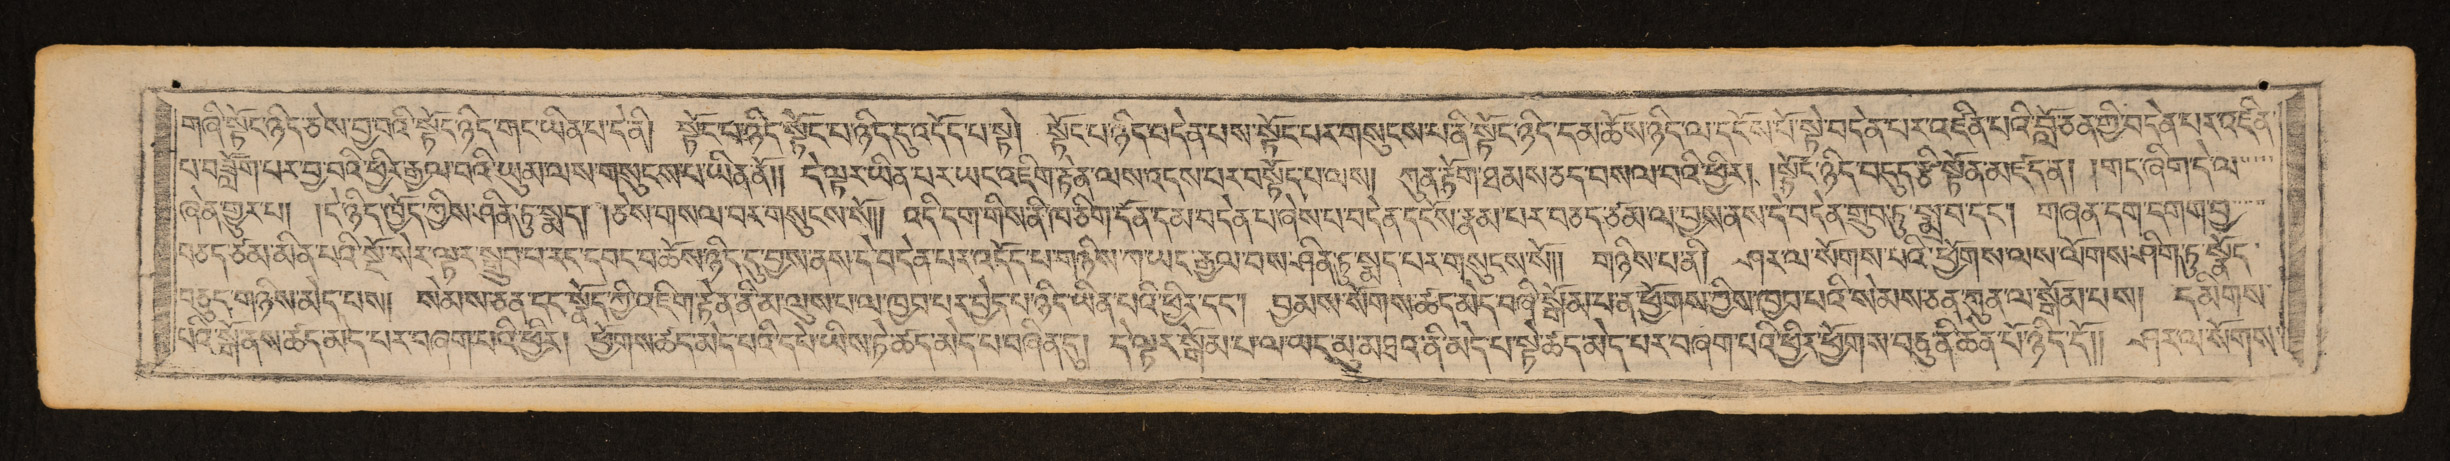གཞི་སྟོང་ཉིད་ཅེས་བྱ་བའི་སྟོང་ཉིད་གང་ཡིན་པ་དེ་ནི། སྟོང་པ་ཉིད་སྟོང་པ་ཉིད་དུ་འདོད་པ་སྟེ། སྟོང་པ་ཉིད་བདེན་པས་སྟོང་པར་གསུངས་པ་ནི་སྟོང་ཉིད་དམ་ཆོས་ཉིད་ལ་དངོས་པོ་སྟེ་བདེན་པར་འཛིན་པའི་བློ་ཅན་གྱི་བདེན་པར་འཛིན་
པ་བཟློག་པར་བྱ་བའི་ཕྱིར་རྒྱལ་བའི་ཡུམ་ལས་གསུངས་པ་ཡིན་ནོ།། དེ་ལྟར་ཡིན་པར་ཡང་འཇིག་རྟེན་ལས་འདས་པར་བསྟོད་པ་ལས། ཀུན་རྟོག་ཐམས་ཅད་བསལ་བའི་ཕྱིར། །སྟོང་ཉིད་བདུད་རྩི་སྟོན་མཛད་ན། །གང་ཞིག་དེ་ལ་
ཞེན་གྱུར་པ། །དེ་ཉིད་ཁྱོད་ཀྱིས་ཤིན་ཏུ་སྨད། །ཅེས་གསལ་བར་གསུངས་སོ།། འདི་དག་གིས་ནི་ཁ་ཅིག་དོན་དམ་པར་བདེན་པ་ཞེས་པ་བདེན་དངོས་རྣམ་པར་བཅད་ཙམ་ལ་བྱས་ནས་དེ་བདེན་གྲུབ་ཏུ་སྨྲ་བ་དང་། གཞན་དག་དགག་བྱ་
བཅད་ཙམ་མིན་པའི་སྔོ་སེར་ལྟར་སྒྲུབ་པར་རང་དབང་བ་ཆོས་ཉིད་དུ་བྱས་ནས་དེ་བདེན་པར་འདོད་པ་གཉིས་ཀ་ཡང་རྒྱལ་བས་ཤིན་ཏུ་སྨད་པར་གསུངས་སོ།། གཉིས་པ་ནི། ཤར་ལ་སོགས་པའི་ཕྱོགས་ལས་ལོགས་ཤིག་ཏུ་སྣོད་
བཅུད་གཉིས་མེད་པས། སེམས་ཅན་དང་སྣོད་ཀྱི་འཇིག་རྟེན་ནི་མ་ལུས་པ་ལ་ཁྱབ་པར་བྱེད་པ་ཉིད་ཡིན་པའི་ཕྱིར་དང་། བྱམས་སོགས་ཚད་མེད་བཞི་སྒོམ་པ་ན་ཕྱོགས་ཀྱིས་ཁྱབ་པའི་སེམས་ཅན་ཀུན་ལ་སྒོམ་པས། དམིགས་
པའི་སྒོ་ནས་ཚད་མེད་པར་བཞག་པའི་ཕྱིར། ཕྱོགས་ཚད་མེད་པའི་དཔེ་ཡིས་ཏེ་ཚད་མེད་པ་བཞིན་དུ། དེ་ལྟར་སྒོམ་པ་ལ་ཡང་མུ་མཐའ་ནི་མེད་པ་སྟེ་ཚད་མེད་པར་བཞག་པའི་ཕྱིར་ཕྱོགས་བཅུ་ནི་ཆེན་པོ་ཉིད་དོ།། ཤར་ལ་སོགས་